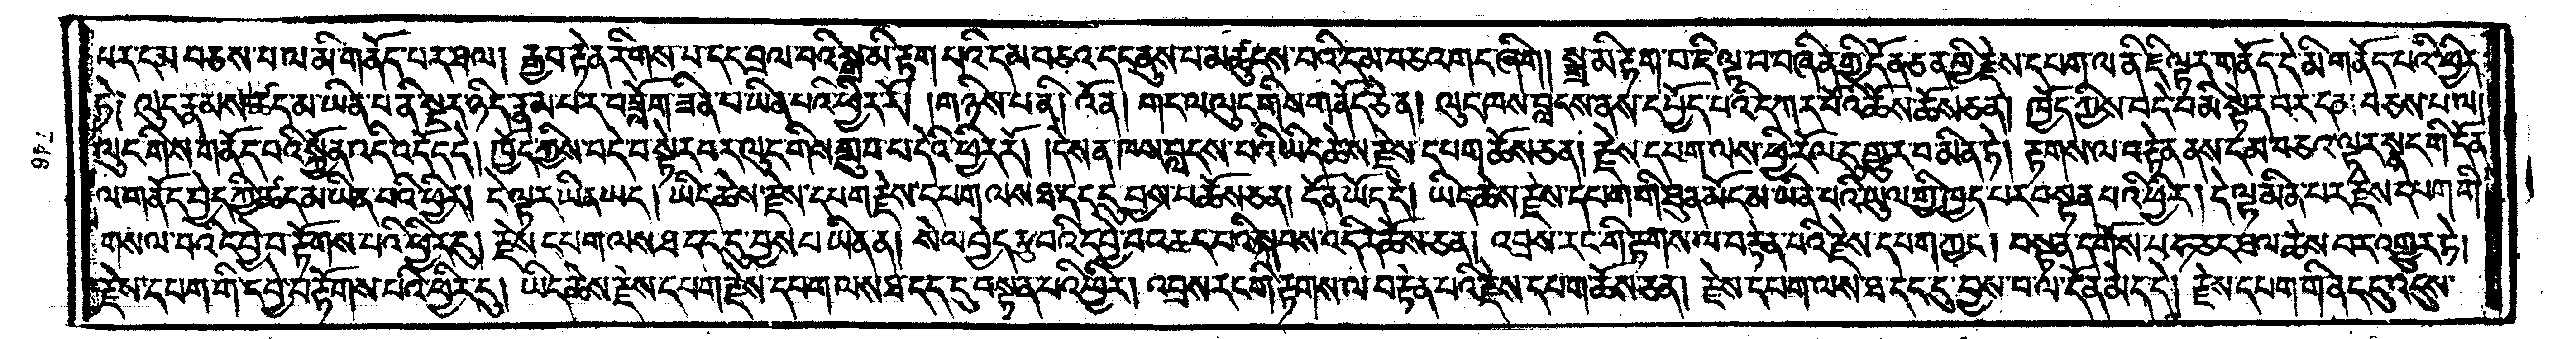པར་དམ་བཅས་པ་ལ་མི་གནོད་པར་ཐལ། རྒྱབ་རྟེན་རིགས་པ་དང་བྲལ་བའི་སྒྲ་མི་རྟག་པའི་དམ་བཅའ་དང་ནུས་པ་མཚུངས་པའི་དམ་བཅའ་གང་ཞིག། སྒྲ་མི་རྟག་པ་ཇི་ལྟ་བ་བཞིན་གྱི་དོན་ཅན་གྱི་རྗེས་དཔག་ལ་ནི་ཇི་ལྟར་གནོད་དེ་མི་གནོད་པའི་ཕྱིར་
ཏེ༑ ལུང་རྣམས་ཚད་མ་ཡིན་པ་ནི་སྔར་ཉིད་རྣམ་པར་བཟློག་ཟིན་པ་ཡིན་པའི་ཕྱིར་རོ། །གཉིས་པ་ནི། འོ་ན། གང་ལ་ལུང་གིས་གནོད་ཅེ་ན། ལུང་ཁས་བླངས་ནས་དཔྱོད་པའི་དཀར་བོའི་ཆོས་ཆོས་ཅན། ཁྱོད་ཀྱིས་བདེ་བ་མི་སྟེར་བར་དམ་བཅས་པ་ལ།
ལུང་གིས་གནོད་བའི་སྐྱོན་འདི་འདོད་དེ། ཁྱོད་ཀྱིས་བདེ་བ་སྟེར་བར་ལུང་གིས་གྲུབ་པ་དེའི་ཕྱིར་རོ། །དེས་ན་ཁས་བླངས་པའི་ཡིད་ཆེས་རྗེས་དཔག་ཆོས་ཅན། རྗེས་དཔག་ལས་ཕྱི་རོལ་དུ་གྱུར་བ་མིན་ཏེ། རྟགས་ལ་བརྟེན་ནས་དམ་བཅའ་ལྟར་སྣང་གི་དོན་
ལ་གནོད་བྱེད་ཀྱི་ཚད་མ་ཡིན་པའི་ཕྱིར། དེ་ལྟར་ཡིན་ཡང་། ཡིད་ཆེས་རྗེས་དཔག་རྗེས་དཔག་ལས་ཐ་དད་དུ་བྱས་པ་ཆོས་ཅན། དོན་ཡོད་དེ། ཡིད་ཆེས་རྗེས་དཔག་གི་ཐུན་མོང་མ་ཡིན་པའི་ཡུལ་གྱི་ཁྱད་པར་བསྟན་པའི་ཕྱིར། དེ་ལྟ་མིན་པར་རྗེས་དཔག་གི་
གསལ་བའི་དབྱེ་བ་རྟོགས་པའི་ཕྱིར་དུ། རྗེས་དཔག་ལས་ཐ་དད་དུ་བྱས་པ་ཡིན་ན། སེལ་བྱེད་རྩ་བའི་དབྱེ་བ་འཆད་པའི་སྐབས་འདིར་ཆོས་ཅན། འབྲས་རང་གི་རྟགས་ལ་བརྟེན་བའི་རྗེས་དཔག་ཀྱང་། བསྟན་དགོས་པ་ཧ་ཅང་ཐལ་ཆེས་བར་འགྱུར་ཏེ།
རྗེས་དཔག་གི་དབྱེ་བ་རྟོགས་པའི་ཕྱིར་དུ། ཡིད་ཆེས་རྗེས་དཔག་རྗེས་དཔག་ལས་ཐ་དད་དུ་བསྟན་པའི་ཕྱིར། འབྲས་རང་གི་རྟགས་ལ་བརྟེན་པའི་རྗེས་དཔག་ཆོས་ཅན། རྗེས་དཔག་ལས་ཐ་དད་དུ་བྱས་པ་ལ་དོན་མེད་དེ། རྗེས་དཔག་གི་ནང་དུ་འདུས་